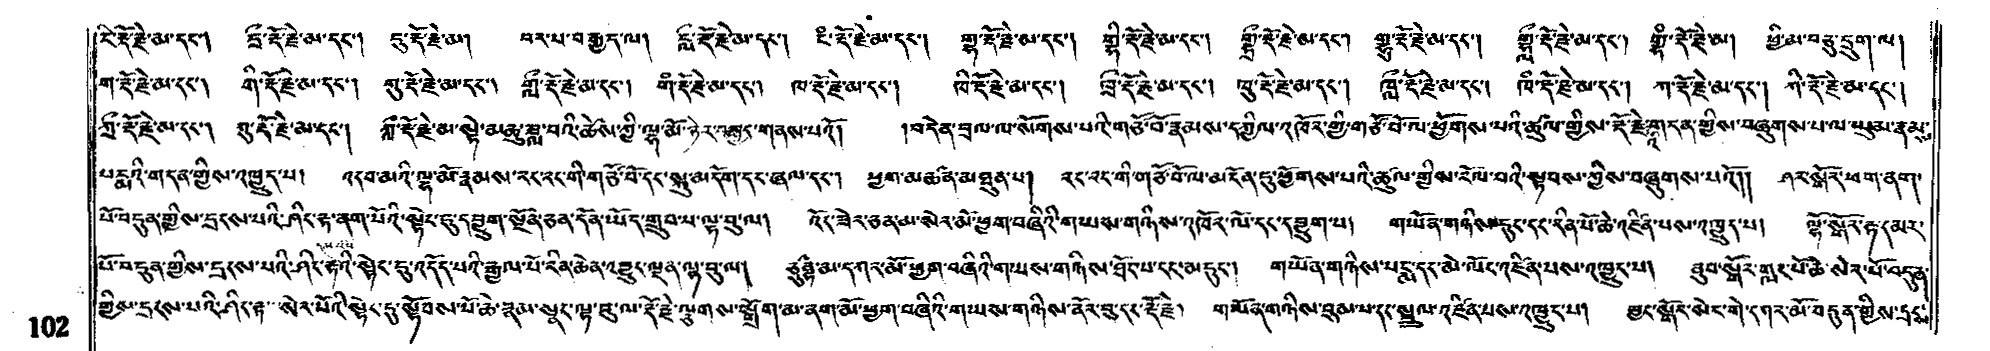ངི་རྡོ་རྗེ་མ་དང་། དྲྀ་རྡོ་རྗེ་མ་དང་། དུ་རྡོ་རྗེ་མ། བར་པ་བརྒྱད་ལ། ངླྀ་རྡོ་རྗེ་མ་དང་། ངཾ་རྡོ་རྗེ་མ་དང་། གྷ་རྡོ་རྗེ་མ་དང་། གྷི་རྡོ་རྗེ་མ་དང་། གྷྲྀ་རྡོ་རྗེ་མ་དང་། གྷུ་རྡོ་རྗེ་མ་དང་། གྷླྀ་རྡོ་རྗེ་མ་དང་། གྷཾ་རྡོ་རྗེ་མ། ཕྱི་མ་བཅུ་དྲུག་ལ།
ག་རྡོ་རྗེ་མ་དང་། གི་རྡོ་རྗེ་མ་དང་། གུ་རྡོ་རྗེ་མ་དང་། གླྀ་རྡོ་རྗེ་མ་དང་། གཾ་རྡོ་རྗེ་མ་དང་། ཁ་རྡོ་རྗེ་མ་དང་། ཁི་རྡོ་རྗེ་མ་དང་། ཁྲྀ་རྡོ་རྗེ་མ་དང་། ཁུ་རྡོ་རྗེ་མ་དང་། ཁླྀ་རྡོ་རྗེ་མ་དང་། ཁཾ་རྡོ་རྗེ་མ་དང་། ཀ་རྡོ་རྗེ་མ་དང་། ཀི་རྡོ་རྗེ་མ་དང་།
ཀྲྀ་རྡོ་རྗེ་མ་དང་། ཀུ་རྡོ་རྗེ་མ་དང་། ཀླྀ་རྡོ་རྗེ་མ་སྟེ་མཆུ་ཟླ་བའི་ཚེས་ཀྱི་ལྷ་མོ་ཉེར་བརྒྱད་གནས་པའོ། །བདེན་བྲལ་ལ་སོགས་པའི་གཙོ་བོ་རྣམས་དཀྱིལ་འཁོར་གྱི་གཙོ་བོ་ལ་ཕྱོགས་པའི་ཚུལ་གྱིས་རྡོ་རྗེའི་གདན་གྱིས་བཞུགས་པ་ལ་ཡུམ་རྣམས་
པདམའི་གདན་གྱིས་འཁྱུད་པ། འདབ་མའི་ལྷ་མོ་རྣམས་རང་རང་གི་གཙོ་བོ་དང་སྐུ་མདོག་དང་ཞལ་དང་། ཕྱག་མཚན་མཐུན་པ། རང་རང་གི་གཙོ་བོ་ལ་མངོན་དུ་ཕྱོགས་པའི་ཚུལ་གྱིས་རོལ་པའི་སྟབས་ཀྱིས་བཞུགས་པའོ།། ཤར་སྒོར་ཕག་ནག་
པོ་བདུན་གྱིས་དྲངས་པའི་ཤིང་རྟ་ནག་པོའི་སྟེང་དུ་དབྱུག་སྔོན་ཅན་དོན་ཡོད་གྲུབ་པ་ལྟ་བུ་ལ། འོད་ཟེར་ཅན་མ་སེར་མོ་ཕྱག་བཞིའི་གཡས་གཉིས་འཁོར་ལོ་དང་དབྱུག་པ། གཡོན་གཉིས་དུང་དང་རིན་པོ་ཆེ་འཛིན་པས་འཁྱུད་པ། ལྷོ་སྒོར་རྟ་དམར་
པོ་བདུན་གྱིས་དྲངས་པའི་ཤིང་རྟའི་དམར་པོ་སྟེང་དུ་འདོད་པའི་རྒྱལ་པོ་རིན་ཆེན་འབྱུང་ལྡན་ལྟ་བུ་ལ། ཙུནྟ་མ་དཀར་མོ་ཕྱག་བཞིའི་གཡས་གཉིས་ཐོང་པ་དང་མདུང་། གཡོན་གཉིས་པདམ་དང་མེ་ལོང་འཛིན་པས་འཁྱུད་པ། ནུབ་སྒོར་གླང་པོ་ཆེ་སེར་པོ་བདུན་
གྱིས་དྲངས་པའི་ཤིང་རྟ་སེར་པོའི་སྟེང་དུ་སྟོབས་པོ་ཆེ་རྣམ་སྣང་ལྟ་བུ་ལ་རྡོ་རྗེ་ལྕགས་སྒྲོག་མ་ནག་མོ་ཕྱག་བཞིའི་གཡས་གཉིས་ནོར་བུ་དང་རྡོ་རྗེ། གཡོན་གཉིས་བུམ་པ་དང་སྦྲུལ་འཛིན་པས་འཁྱུད་པ། བྱང་སྒོར་སེང་གེ་དཀར་མོ་བདུན་གྱིས་དྲངས་